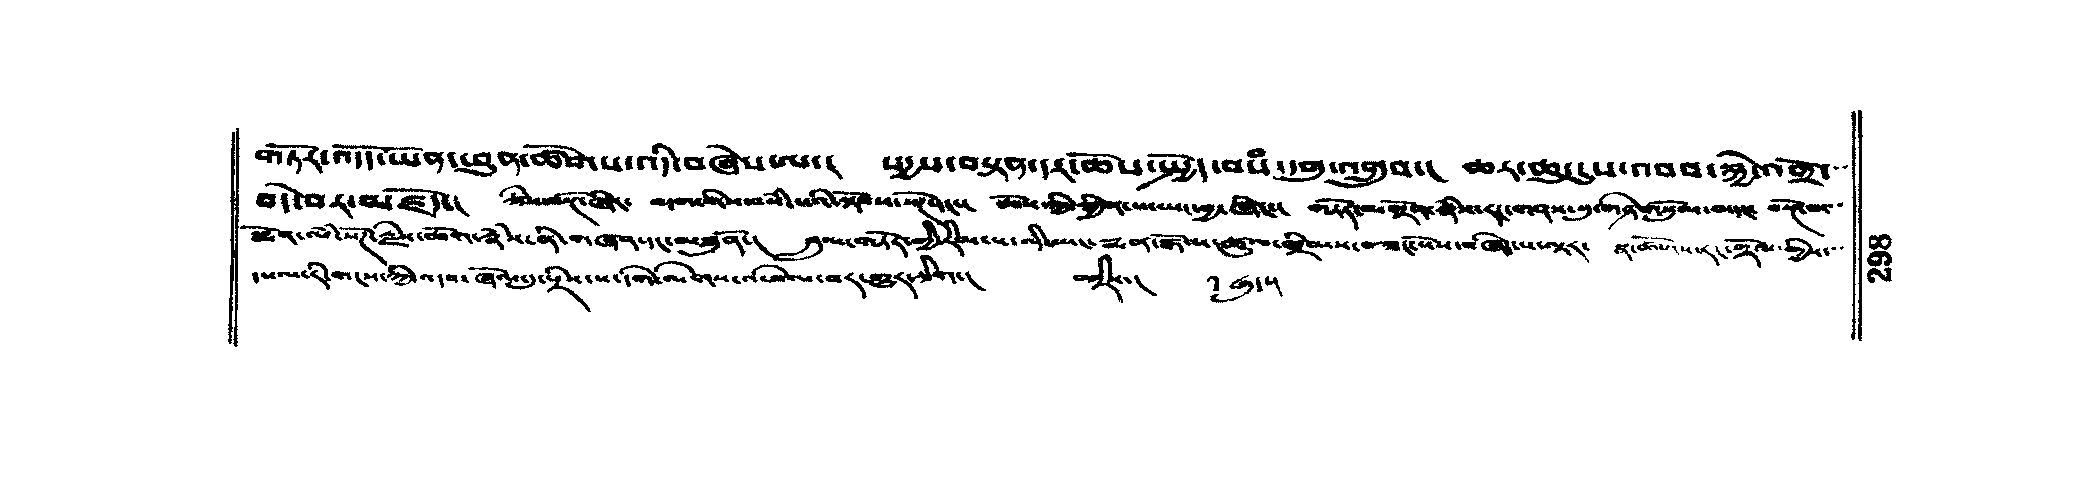གཏོར་འདོད་ཡོན་ཕུན་ཚོགས་འདི་བཞེས་ལ། །སངས་རྒྱས་བསྟན་དར་ཆོས་སྤྱོད་བསམ་དགུ་འགྲུབ། །ཆར་ཆུ་དུས་འབབ་སྐྱེ་འགྲོ་
བདེ་བར་མཛོད། ཅེས་བསྔོ་ཞིང་། བདག་གིས་བསམ་པའི་སྟོབས་སོགས་དང་། །ཆོས་ཀྱི་སྦྱིན་པ་ཡང་བྱ་ཞིང་། །གཏོར་མགྲོན་རྣམས་རང་གནས་སུ་གཤེགས་སུ་གསོལ་བ་དང་། བསྔོ་བ་
སྨོན་ལམ་སོགས་རྗེས་ཆོག་རྣམས་ནི་གཞན་དང་མཐུན་ནོ། སྦྲུལ་གཏོར་གྱི་རིམ་པ་འདི་ཡང་སྨན་སྒོམ་ཚུལ་ཁྲིམས་བཟང་པོས་བཞེད་པ་ལྟར། སྣ་ཚོགས་རང་གྲོལ་གྱིས་
དཔལ་རི་གངས་རི་ཀྱི་འདབ་ཞོལ་དུ་དྲིས་པ་དགེ་ལེགས་འཕེལ་བར་གྱུར་ཅིག ། བཀྲ་ཤིས།